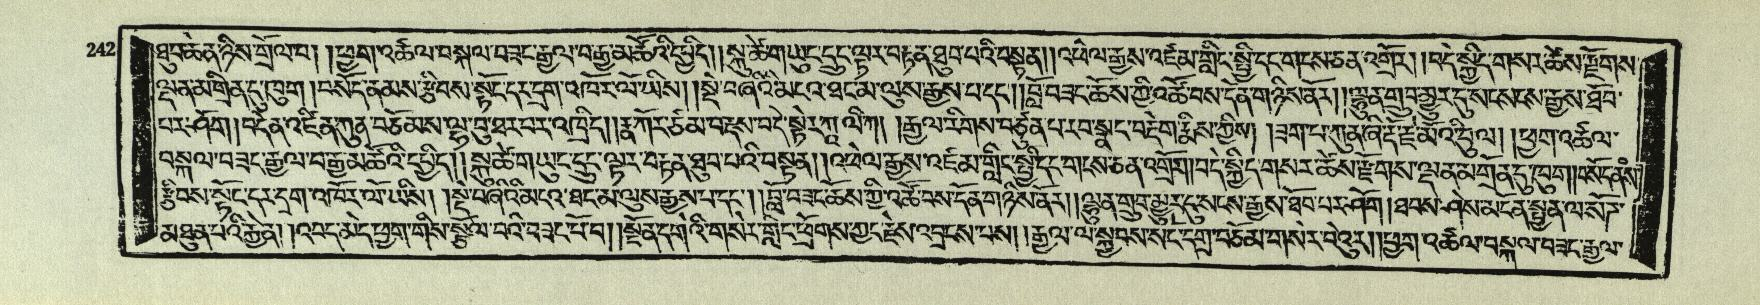ཐུབ་ཆེན་ཉིས་གྲོལ་བ། །ཕྱག་འཚལ་བསྐལ་བཟང་རྒྱལ་བ་རྒྱ་མཚོའི་དཔྱིད། །སྐུ་ཚེ་གཡུང་དྲུང་ལྟར་བརྟན་ཐུབ་པའི་བསྟན། །འཕེལ་རྒྱས་འཛམ་གླིང་སྤྱི་དང་གངས་ཅན་འགྲོར། །བདེ་སྐྱིད་གསར་ཚེས་རྫོགས་
ལྡན་མགྲིན་དུ་ཁུག །བསོད་ནམས་རྩིབས་སྟོང་དར་དྲག་འཁོར་ལོ་ཡིས། །སྡེ་བཞིའི་མངའ་ཐང་མ་ལུས་རྒྱས་པ་དང་། །བློ་བཟང་ཆོས་ཀྱི་འཚོ་བས་དོན་གཉིས་ནོར། །ལྷུན་གྲུབ་མྱུར་དུ་སང་སངས་རྒྱས་ཐོབ་
པར་ཤོག། །བདེན་འཛིན་ཀུན་བཅོམས་ལྷ་བུ་ཐར་པར་འཁྲིད། །རྣ་ཀོར་ཙམ་བརྡས་བདེ་སྟེར་ཀཱ་ལི་ཀ། །རྒྱལ་རིགས་བཙུན་པ་རབ་སྣང་བརྡེག་རྨིས་ཀྱིས། །ཟག་པ་ཀུན་ཞི་རྡོ་རྗེ་མོའི་བུལ། །ཕྱག་འཚལ་
བསྐལ་བཟང་རྒྱལ་བ་རྒྱ་མཚོའི་དཔྱིད། །སྐུ་ཚེ་གཡུང་དྲུང་ལྟར་བརྟན་ཐུབ་པའི་བསྟན། །འཕེལ་རྒྱས་འཛམ་གླིང་སྤྱི་དང་གངས་ཅན་འགྲོར། །བདེ་སྐྱིད་གསར་ཚེས་རྫོགས་ལྡན་མགྲོན་དུ་ཁུག །བསོད་ནཾས་
རྩིབས་སྟོང་དར་དྲག་འཁོར་ལོ་ཡིས། །སྡེ་བཞིའི་མངའ་ཐང་མ་ལུས་རྒྱས་པ་དང་། །བློ་བཟང་ཆོས་ཀྱི་འཚོ་བས་དོན་གཉིས་ནོར། །ལྷུན་གྲུབ་མྱུར་དུ་སངས་རྒྱས་ཐོབ་པར་ཤོག །ཐབས་ཤེས་མངོན་སྤྱན་ལ་སོཌ་
མཐུན་པའི་རྐྱེན། །འབད་མེད་ཕྱག་གིས་སྕོལ་བའི་བཟང་པོ་བ། །སྔོན་དགེའི་གསེར་གླིང་ཕྲོགས་ཀྱང་རྗེས་འབྲངས་པས། །རྒྱལ་ལ་སྐྱབས་སོང་དགྲ་བཅོམ་གསེར་བེའུར། །ཕྱག་འཚལ་བསྐལ་བཟང་རྒྱལ་